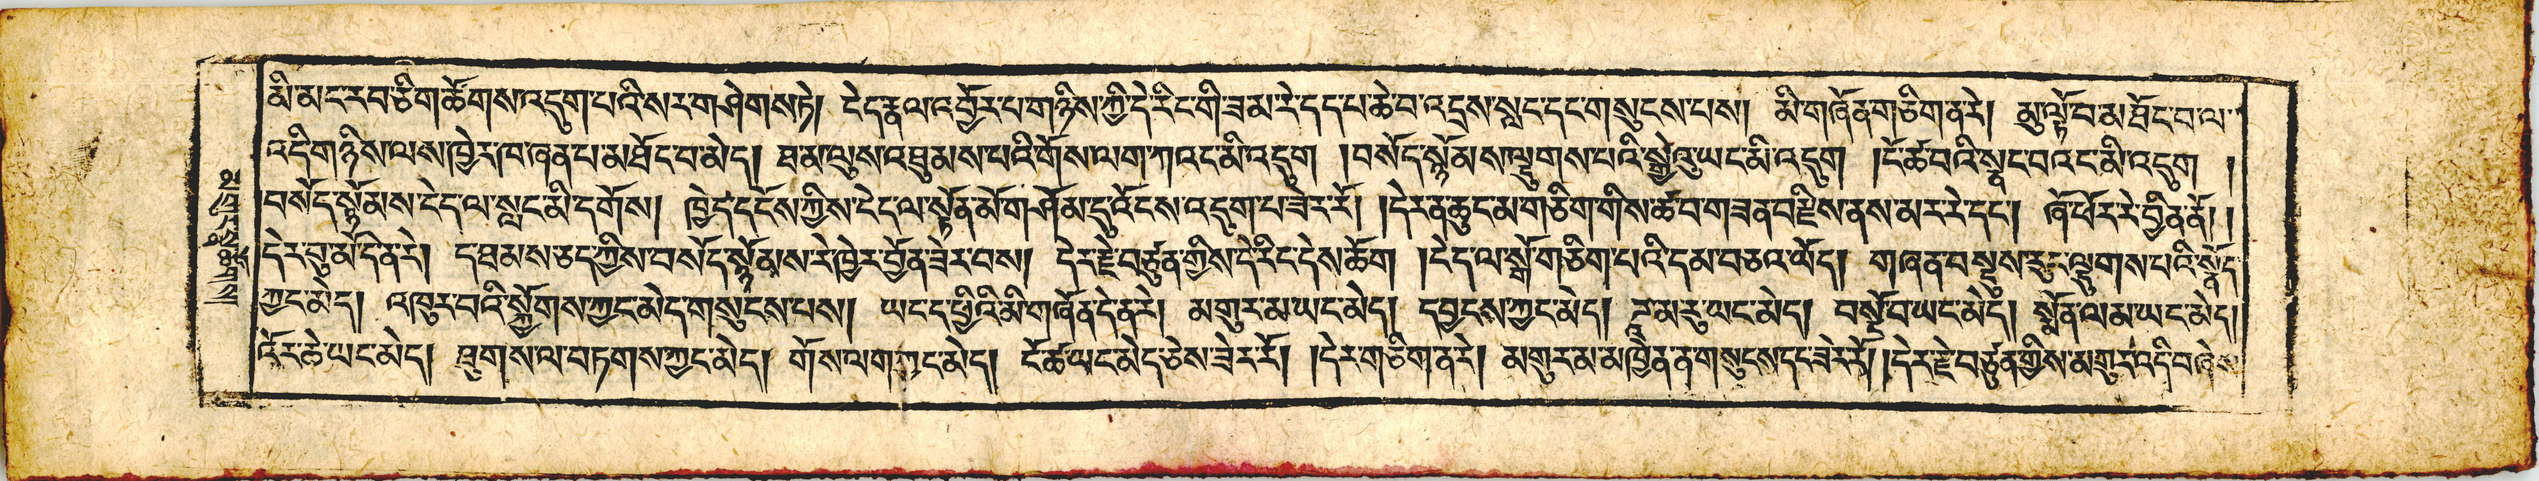མི་མང་རབ་ཅིག་ཚོགས་འདུག་པའི་སར་གཤེགས་ཏེ། ངེད་རྣལ་འབྱོར་པ་གཉིས་ཀྱི་དེ་རིང་གི་ཟ་མ་རེ་དད་པ་ཆེ་བ་འདྲས་སླང་དང་གསུངས་པས། མི་གཞོན་གཅིག་ན་རེ། མུ་ལྟོ་བ་མཐོང་བ་ལ་
འདི་གཉིས་ལས་ཁྱེར་ཁ་ཞན་པ་མཐོང་བ་མེད། ཐ་མ་ལུས་འཐུམས་པའི་གོས་ལག་ཀའང་མི་འདུག །བསོད་སྙོམས་ལྡུགས་པའི་སྒྱེའུ་ཡང་མི་འདུག །ངོ་ཚ་བའི་སྣང་བའང་མི་འདུག 
བསོད་སྙོམས་ངེད་ལ་སླང་མི་དགོས། ཁྱེད་དངོས་ཀྱིས་ངེད་ལ་སྟོན་མོ་གཤོམ་དུ་འོངས་འདུག་པ་ཟེར་རོ། །དེར་ན་ཆུང་མ་གཅིག་གིས་ཚ་བ་གཟན་བརྫིས་ནས་མར་རེ་དང་། ཞོ་ཕོར་རེ་བྱིན་ནོ། །
དེར་བུ་མོ་དེ་ན་རེ། ད་ཐམས་ཅད་ཀྱིས་བསོད་སྙོམས་རེ་ཁྱེར་བྱོན་ཟེར་བས། དེར་རྗེ་བཙུན་གྱིས་དེ་རིང་དེས་ཆོག །ངེད་ལ་སྒོ་གཅིག་པའི་དམ་བཅའ་ཡོད། གཞན་བསྡུས་རུང་ལྡུགས་པའི་སྣོད་
ཀྱང་མེད། འཁུར་བའི་སྐྱོགས་ཀྱང་མེད་གསུངས་པས། ཡང་ད་ཕྱིའི་མི་གཞོན་དེ་ན་རེ། མགུར་མ་ཡང་མེད། དབྱངས་ཀྱང་མེད། ཌཱ་མ་རུ་ལང་མེད། བསྔོ་བ་ཡང་མེད། སྨོན་ལམ་ཡང་མེད། 
འོར་ཆེ་ཡང་མེད། ཐུགས་ལ་བཏགས་ཀྱང་མེད། གོས་ལག་ཀྱང་མེད། ངོ་ཚ་ཡང་མེད་ཅེས་ཟེར་རོ། །དེར་གཅིག་ན་རེ། མགུར་མ་མཁྱེན་ན་གསུངས་དང་ཟེར་རོ། །དེར་རྗེ་བཙུན་གྱིས་མགུར་འདི་བཞེས་